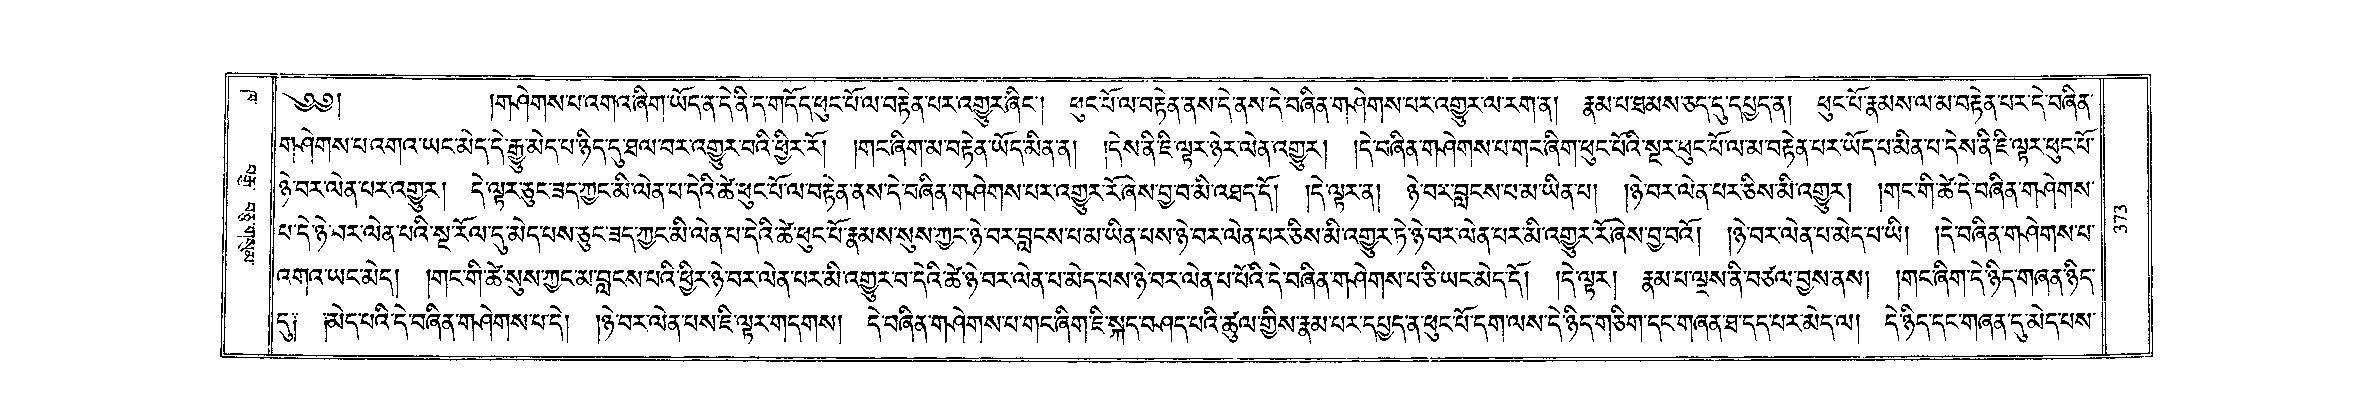༄༅། །གཤེགས་པ་འགའ་ཞིག་ཡོད་ན་དེ་ནི་ད་གདོད་ཕུང་པོ་ལ་བརྟེན་པར་འགྱུར་ཞིང་། ཕུང་པོ་ལ་བརྟེན་ནས་དེ་ནས་དེ་བཞིན་གཤེགས་པར་འགྱུར་ལ་རག་ན། རྣམ་པ་ཐམས་ཅད་དུ་དཔྱད་ན། ཕུང་པོ་རྣམས་ལ་མ་བརྟེན་པར་དེ་བཞིན་
གཤེགས་པ་འགའ་ཡང་མེད་དེ་རྒྱུ་མེད་པ་ཉིད་དུ་ཐལ་བར་འགྱུར་བའི་ཕྱིར་རོ། །གང་ཞིག་མ་བརྟེན་ཡོད་མིན་ན། །དེས་ནི་ཇི་ལྟར་ཉེར་ལེན་འགྱུར། །དེ་བཞིན་གཤེགས་པ་གང་ཞིག་ཕུང་པོའི་སྔར་ཕུང་པོ་ལ་མ་བརྟེན་པར་ཡོད་པ་མིན་པ་དེས་ནི་ཇི་ལྟར་ཕུང་པོ་
ཉེ་བར་ལེན་པར་འགྱུར། དེ་ལྟར་ཅུང་ཟད་ཀྱང་མི་ལེན་པ་དེའི་ཚེ་ཕུང་པོ་ལ་བརྟེན་ནས་དེ་བཞིན་གཤེགས་པར་འགྱུར་རོ་ཞེས་བྱ་བ་མི་འཐད་དོ། །དེ་ལྟར་ན། ཉེ་བར་བླངས་པ་མ་ཡིན་པ། །ཉེ་བར་ལེན་པར་ཅིས་མི་འགྱུར། །གང་གི་ཚེ་དེ་བཞིན་གཤེགས་
པ་དེ་ཉེ་བར་ལེན་པའི་སྔ་རོལ་དུ་མེད་པས་ཅུང་ཟད་ཀྱང་མི་ལེན་པ་དེའི་ཚེ་ཕུང་པོ་རྣམས་སུས་ཀྱང་ཉེ་བར་བླངས་པ་མ་ཡིན་པས་ཉེ་བར་ལེན་པར་ཅིས་མི་འགྱུར་ཏེ་ཉེ་བར་ལེན་པར་མི་འགྱུར་རོ་ཞེས་བྱ་བའོ། །ཉེ་བར་ལེན་པ་མེད་པ་ཡི། །དེ་བཞིན་གཤེགས་པ་
འགའ་ཡང་མེད། །གང་གི་ཚེ་སུས་ཀྱང་མ་བླངས་པའི་ཕྱིར་ཉེ་བར་ལེན་པར་མི་འགྱུར་བ་དེའི་ཚེ་ཉེ་བར་ལེན་པ་མེད་པས་ཉེ་བར་ལེན་པ་པོའི་དེ་བཞིན་གཤེགས་པ་ཅི་ཡང་མེད་དོ། །དེ་ལྟར། རྣམ་པ་ལྔས་ནི་བཙལ་བྱས་ནས། །གང་ཞིག་དེ་ཉིད་གཞན་ཉིད་
དུ༑ ༑མེད་པའི་དེ་བཞིན་གཤེགས་པ་དེ། །ཉེ་བར་ལེན་པས་ཇི་ལྟར་གདགས། དེ་བཞིན་གཤེགས་པ་གང་ཞིག་ཇི་སྐད་བཤད་པའི་ཚུལ་གྱིས་རྣམ་པར་དཔྱད་ན་ཕུང་པོ་དག་ལས་དེ་ཉིད་གཅིག་དང་གཞན་ཐ་དད་པར་མེད་ལ། དེ་ཉིད་དང་གཞན་དུ་མེད་པས་